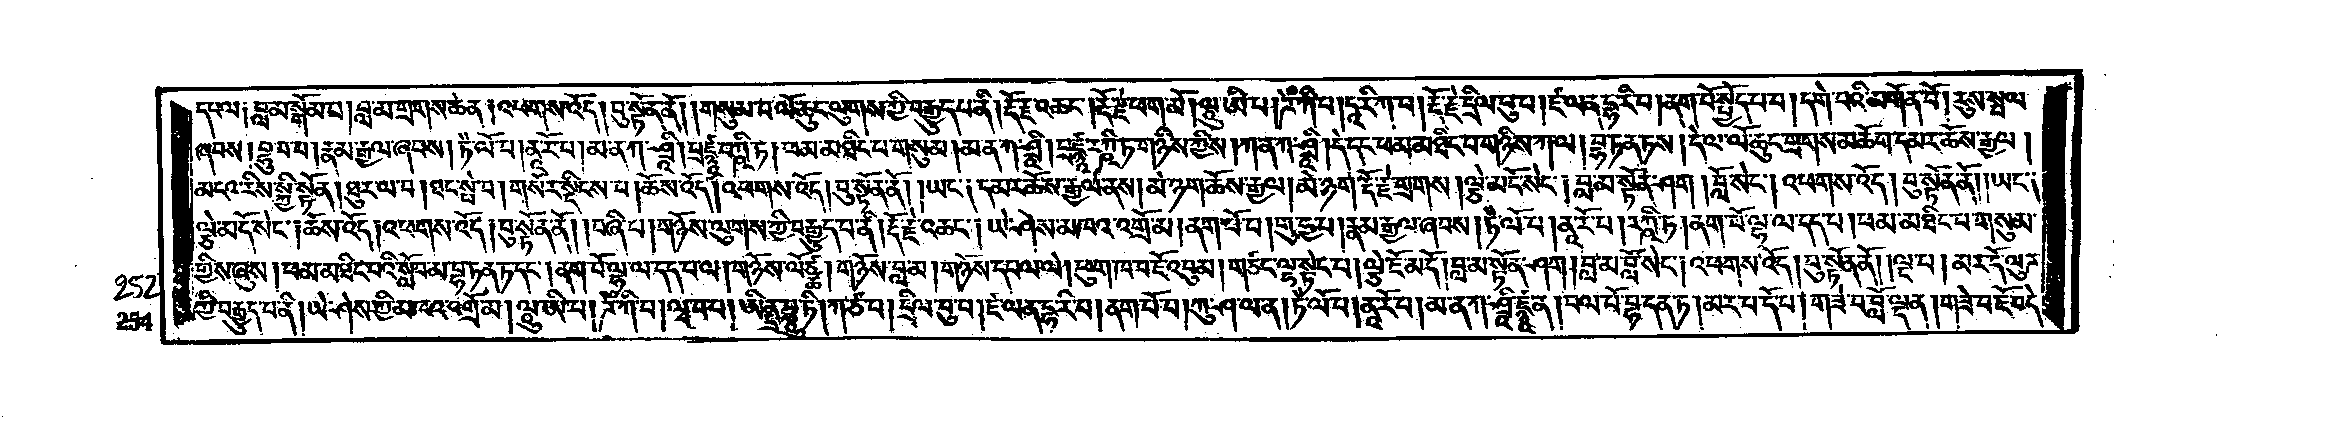དཔལ༑ བླ་མ་སྒོམ་པ། བླ་མ་གྲགས་ཆེན་།འཕགས་འོད། བུ་སྟོན་ནོ། །གསུམ་པ་ལོ་ཆུང་ལུགས་ཀྱི་བརྒྱུད་པ་ནི། རྡོ་རྗེ་འཆང་། རྡོ་རྗེ་ཕག་མོ། ལའུ་ཨི་པ། ཌེཾ་ཀི་པ། དྷའ་རི་ཀ་པ། རྡོ་རྗེ་དྲིལ་བུ་པ། ཛ་ལན་དྷ་རི་པ། ནག་པོ་སྤྱེད་པ་བ། དགེ་བའི་མགོན་པོ། རུས་སྦལ་
ཞབས། བྷུ་བ་པ། རྣམ་རྒྱལ་ཞབས། ཏཻ་ལོ་པ། ནཱ་རོ་པ། མ་ན་ཀ་ཤྲཱི། པརྫྙ་བཀྵི་ཏ། ཕམ་མཐིང་པ་གསུམ། མ་ན་ཀ་ཤྲཱི་པརྫྙ་རཀྵི་ཏ་གཉིས་ཀྱིས། ཀ་ན་ཀ་ཤྲཱི། དེ་དང་ཕམ་མཐིང་ཀ་ལ། བྷ་ཏན་ཏས། དེ་ལ་ལོ་ཆུང་གྲགས་མཆོག་དམར་ཆོས་རྒྱལ།
མངའ་རིས་སྐྱི་སྟོན་།ཐུར་ལ་བ་།ཐང་སྤེ་བ་།གསོར་སྡིངས་པ་ཆོས་འོད། འཕགས་འོད། བུ་སྟོན་ནོ། །ཡང་། དམར་ཆོས་རྒྱལ་ནས། མེ་ཉག་ཆོས་རྒྱལ། མེ་ཉག་རྡོ་རྗེ་གྲགས། ལྕེ་མདོ་སེང་། བླ་མ་སྟོན་ཤག །བློ་སེང་། འཕགས་འོད། བུ་སྟོན་ནོ། །ཡང་།
ལྕེ་མདོ་སེང་། ཆོས་འོད། འཕགས་འོད། བུ་སྟོན་ནོ། །བཞི་པ། གཉོས་ལུགས་ཀྱི་བརྒྱུད་པ་ནི། རྡོ་རྗེ་འཆང་། ཡེ་ཤེས་མཁའ་འགྲོ་མ། ནག་པོ་པ། རྣམ་རྒྱལ་ཞབས། ཏཻ་ལོ་པ། ནཱ་རོ་པ། རཀྵི་ཏ། ནག་པོ་ལྷ་ལ་དད་པ། ཕམ་མཐིང་པ་གསུམ་
གྱིས་ཞུས། ཕམ་མཐིང་པའི་སློབ་མ་བྷ་ཏན་ཏ་དང་། ནག་པོ་ལྷ་ལ་དད་པ་ལ། གཉོས་ལོཙྪ། གཉོས་བླ་མ། གཉོས་དཔལ་ལེ། ཕུག་ཁ་བ་ཇོ་འབུམ། གཙང་ལྷ་སྟེང་པ། ལྕེ་ཇོ་མདོ། བླ་མ་སྟོན་ཤག །བླ་མ་བློ་སེང་། འཕགས་འོད། བུ་སྟོན་ནོ། ལྔ་པ། མར་རོ་ལུགས་
ཀྱི་བརྒྱུད་པ་ནི། ཡི་ཤེས་ཀྱི་མཁའ་འགྲོ་མ། ལའུ་ཨི་པ། ཌོཾ་ཀི་པ། ལྭ་བ་པ། ཨིནྡྲ་བྷཱུ་ཏེ། ཀ་ཙ་བ། དྲིལ་བུ་བ། ཛ་ལན་དྷ་རི་པ། ནག་པོ་བ། ཀུ་ཁ་ལ་ན། ཏཻ་ལོ་པ། ནའ་རོ་པ། མ་ན་ཀ་ཤྲཱི་ཛྙའ་ན། བལ་པོ་བྷ་དན་ཏ། མར་པ་དོ་པ། གཟེ་བ་བློ་ལྡན། གཟེ་བ་ཇོ་བདེ་